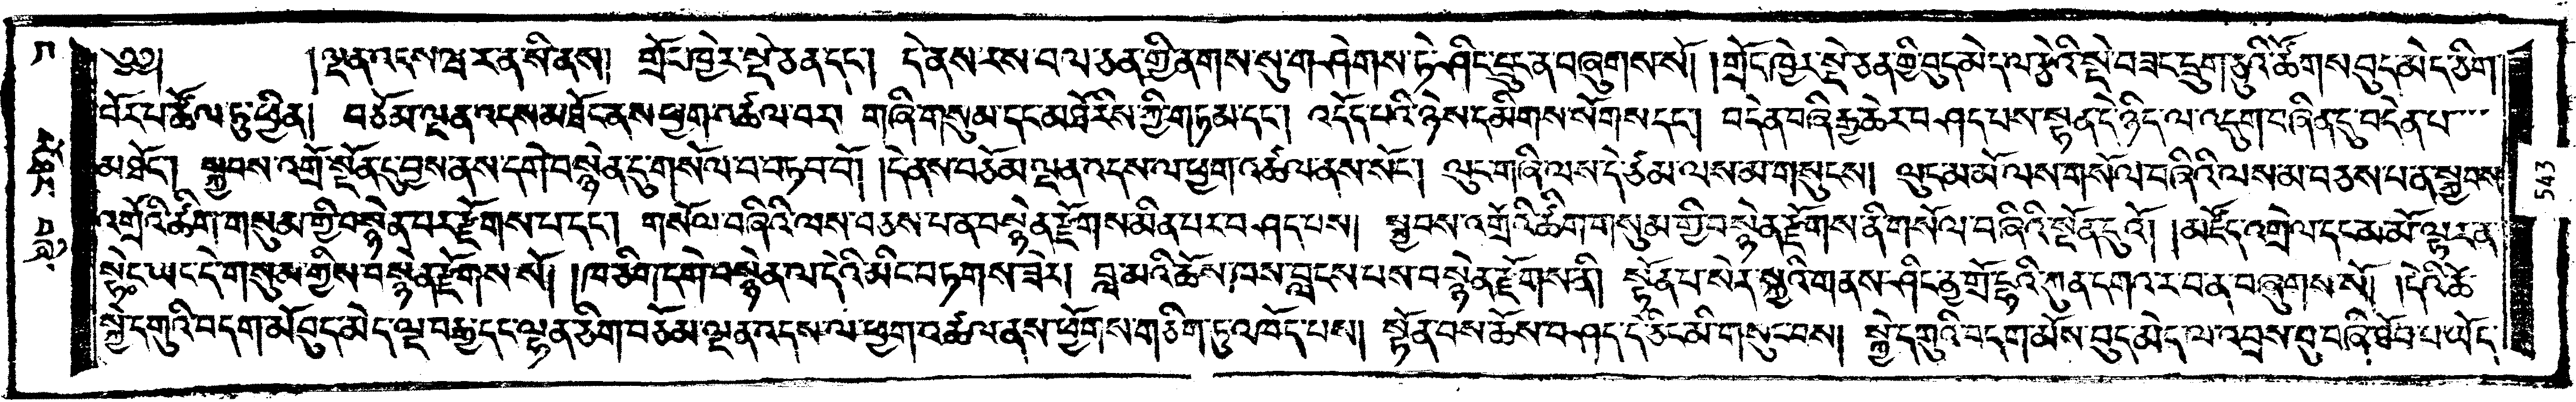༄༅། །ལྡན་འདས་ཝ་ར་ན་སི་ནས། གྲོང་ཁྱེར་སྡེ་ཅན་དང་། དེ་ནས་རས་བལ་ཅན་གྱི་ནགས་སུ་གཤེགས་ཏེ་ཤིང་དྲུང་ན་བཞུགས་སོ། །གྲོང་ཁྱེར་སྡེ་ཅན་གྱི་བུད་མེད་ལ་རྩེའི་སྡེ་བཟང་དྲུག་ཅུའི་ཚོགས་བུད་མེད་ཅིག་
བོར་པ་ཚོལ་ཏུ་ཕྱིན། བཅོམ་ལྡན་འདས་མཐོང་ནས་ཕྱག་འཚལ་བར། གཞི་གསུམ་དང་མཐོ་རིས་ཀྱི་གཏམ་དང་། འདོད་པའི་ཉེས་དམིགས་སོགས་དང་། བདེན་བཞི་རྒྱ་ཆེར་བཤད་པས་སྟན་དེ་ཉིད་ལ་འདུག་བཞིན་དུ་བདེན་པ་
མཐོང་། སྐྱབས་འགྲོ་སྔོན་དུ་བྱས་ནས་དགེ་བསྙེན་དུ་གསོལ་བ་བཏབ་བོ། །དེ་ནས་བཅོམ་ལྡན་འདས་ལ་ཕྱག་འཚལ་ནས་སོང་། ལུང་གཞི་ལས་དེ་ཙམ་ལས་མ་གསུངས། ལུང་མ་མོ་ལས་གསོལ་བཞིའི་ལས་མ་བཅས་པ་ན་སྐྱབས་
འགྲོའི་ཚིག་གསུམ་གྱི་བསྙེན་པར་རྫོགས་པ་དང་། གསོལ་བཞིའི་ལས་བཅས་པ་ན་བསྙེན་རྫོགས་མིན་པར་བཤད་པས། སྐྱབས་འགྲོའི་ཚིག་གསུམ་གྱི་བསྙེན་རྫོགས་ནི་གསོལ་བཞིའི་སྔོན་དུའོ། །མཛོད་འགྲེལ་དང་མ་མོ་ལྟར་ན་
སྟེང་ཡང་དེ་གསུམ་གྱིས་བསྙེན་རྫོགས་སོ། །ཁ་ཅིག་དགེ་བསྙེན་ལ་དེའི་མིང་བཏགས་ཟེར། བླ་མའི་ཆོས་ཁས་བླངས་པས་བསྙེན་རྫོགས་ནི། སྟོན་པ་སེར་སྐྱའི་གནས་ཤིང་ནྱ་གྲོ་དྷའི་ཀུན་དགའ་རབ་ན་བཞུགས་སོ། །དེའི་ཚེ་
སྐྱེ་དགུའི་བདག་མོ་བུད་མེད་ལྔ་བརྒྱ་དང་ལྷན་ཅིག་བཅོམ་ལྡན་འདས་ལ་ཕྱག་འཚལ་ནས་ཕྱོགས་གཅིག་ཏུ་འཁོད་པས། སྟོན་པས་ཆོས་བཤད་དེ་ཅིང་མི་གསུང་བས། སྐྱེ་དགུའི་བདག་མོས་བུད་མེད་ལ་འབྲས་བུ་བཞི་ཐོབ་པ་ཡོད་